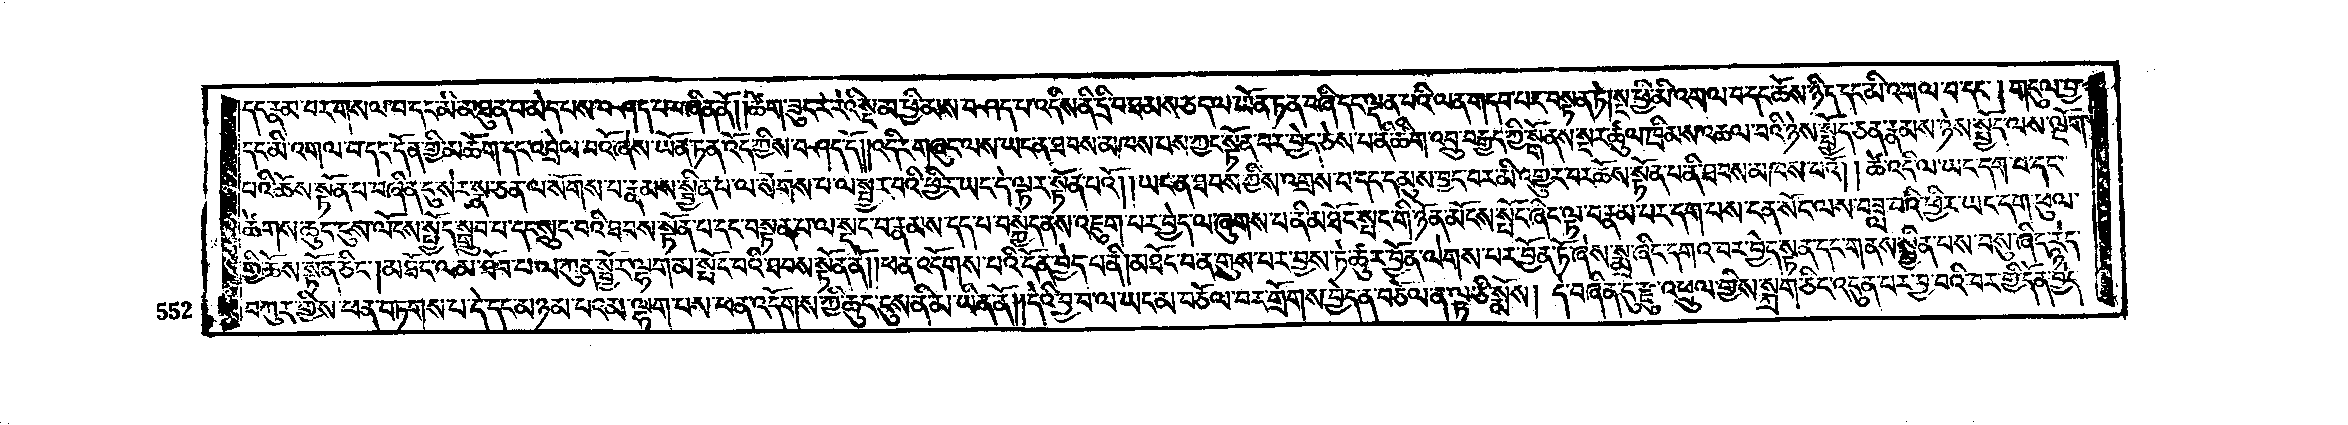དང་རྣམ་པར་གསལ་བ་དང་མི་མཐུན་པ་མེད་པས་བཤད་པ་བཞིན་ནོ། །ཚིག་ཟུང་རེ་རེའི་སྔ་མ་ཕྱི་མས་བཤད་པ་འདིས་ནི་དྲི་བ་ཐམས་ཅད་ལ་ཡོན་ཏན་བཞི་དང་ལྡན་པའི་ལན་གདབ་པར་བསྟན་ཏེ། སྔ་ཕྱི་མི་འགལ་བ་དང་ཆོས་ཉིད་དང་མི་འགལ་བ་དང་། གདུལ་བྱ་
དང་མི་འགལ་བ་དང་དོན་གྱི་མཆོག་དང་འབྲེལ་བའོ་ཞེས་ཡོན་ཏན་འོད་ཀྱིས་བཤད་དོ། །འདིར་གཞུང་ལས་ཡང་ན་ཐབས་མཁས་པས་ཀྱང་སྟོན་པར་བྱེད་ཅེས་པ་ནི་ཚིག་འབྲུ་བརྒྱད་ཀྱི་སྒོ་ནས་སྔར་ཚུལ་ཁྲིམས་འཆལ་བའི་ཉེས་སྤྱོད་ཅན་རྣམས་ཉེས་སྤྱོད་ལས་ལྡོག་
པའི་ཆོས་སྟོན་པ་བཞིན་དུ་སེར་སྣ་ཅན་ལ་སོགས་པ་རྣམས་སྦྱིན་པ་ལ་སོགས་པ་ལ་སྦྱར་བའི་ཕྱིར་ཡང་དེ་ལྟར་སྟོན་པའོ། །ཡང་ན་ཐབས་ཀྱིས་འགྲས་པ་དང་དམུས་བྱང་བར་མི་འགྱུར་བར་ཆོས་སྟོན་པ་ནི་ཐབས་མཁས་པའོ། །ཚེ་འདི་ལ་ཡང་དག་པ་དང་
ཚེགས་ཆུང་དུས་ལོངས་སྤྱོད་སྒྲུབ་པ་དང་སྲུང་བའི་ཐབས་སྟོན་པ་དང་བསྟན་པ་ལ་སྡང་བ་རྣམས་དད་པ་བསྐྱེད་ནས་འཇུག་པར་བྱེད་ལ་ཞུགས་པ་ནི་མཐོང་སྤང་གི་ཉོན་མོངས་སྤོང་ཞིང་ལྟ་བ་རྣམ་པར་དག་པས་ངན་སོང་ལས་བཟླ་བའི་ཕྱིར་ཡང་དག་ཕུལ་
གྱི་ཆོས་སྟོན་ཅིང་། མཐོང་ལམ་ཐོབ་པ་ལ་ཀུན་སྦྱོར་ལྷག་མ་སྤོང་བའི་ཐབས་སྟོན་ནོ། །ཕན་འདོགས་པའི་དོན་བྱེད་པ་ནི། མཐོང་བ་ན་གུས་པར་བྱས་ཏེ་ཚུར་བྱོན་ལེགས་པར་བྱོན་ཏོ་ཞེས་སྨྲ་ཞིང་དགའ་བར་བྱེད་སྟན་དང་གནས་སྦྱིན་པས་བསུ་ཞིང་རྙེད་
བཀུར་གྱིས་ཕན་བཏགས་པ་དེ་དང་མཉམ་པའམ་ལྷག་པས་ཕན་འདོགས་ཀྱི་ཆུང་དུས་ནི་མ་ཡིན་ནོ། །དེའི་བྱ་བ་ལ་ཡང་མ་བཅོལ་བར་གྲོགས་བྱེད་ན་བཅོལ་ན་ལྟ་ཅི་སྨོས། དེ་བཞིན་དུ་རྫུ་འཕྲུལ་གྱིས་སྐྲག་ཅིང་འདུན་པར་བྱ་བའི་བར་གྱི་དོན་བྱེད་